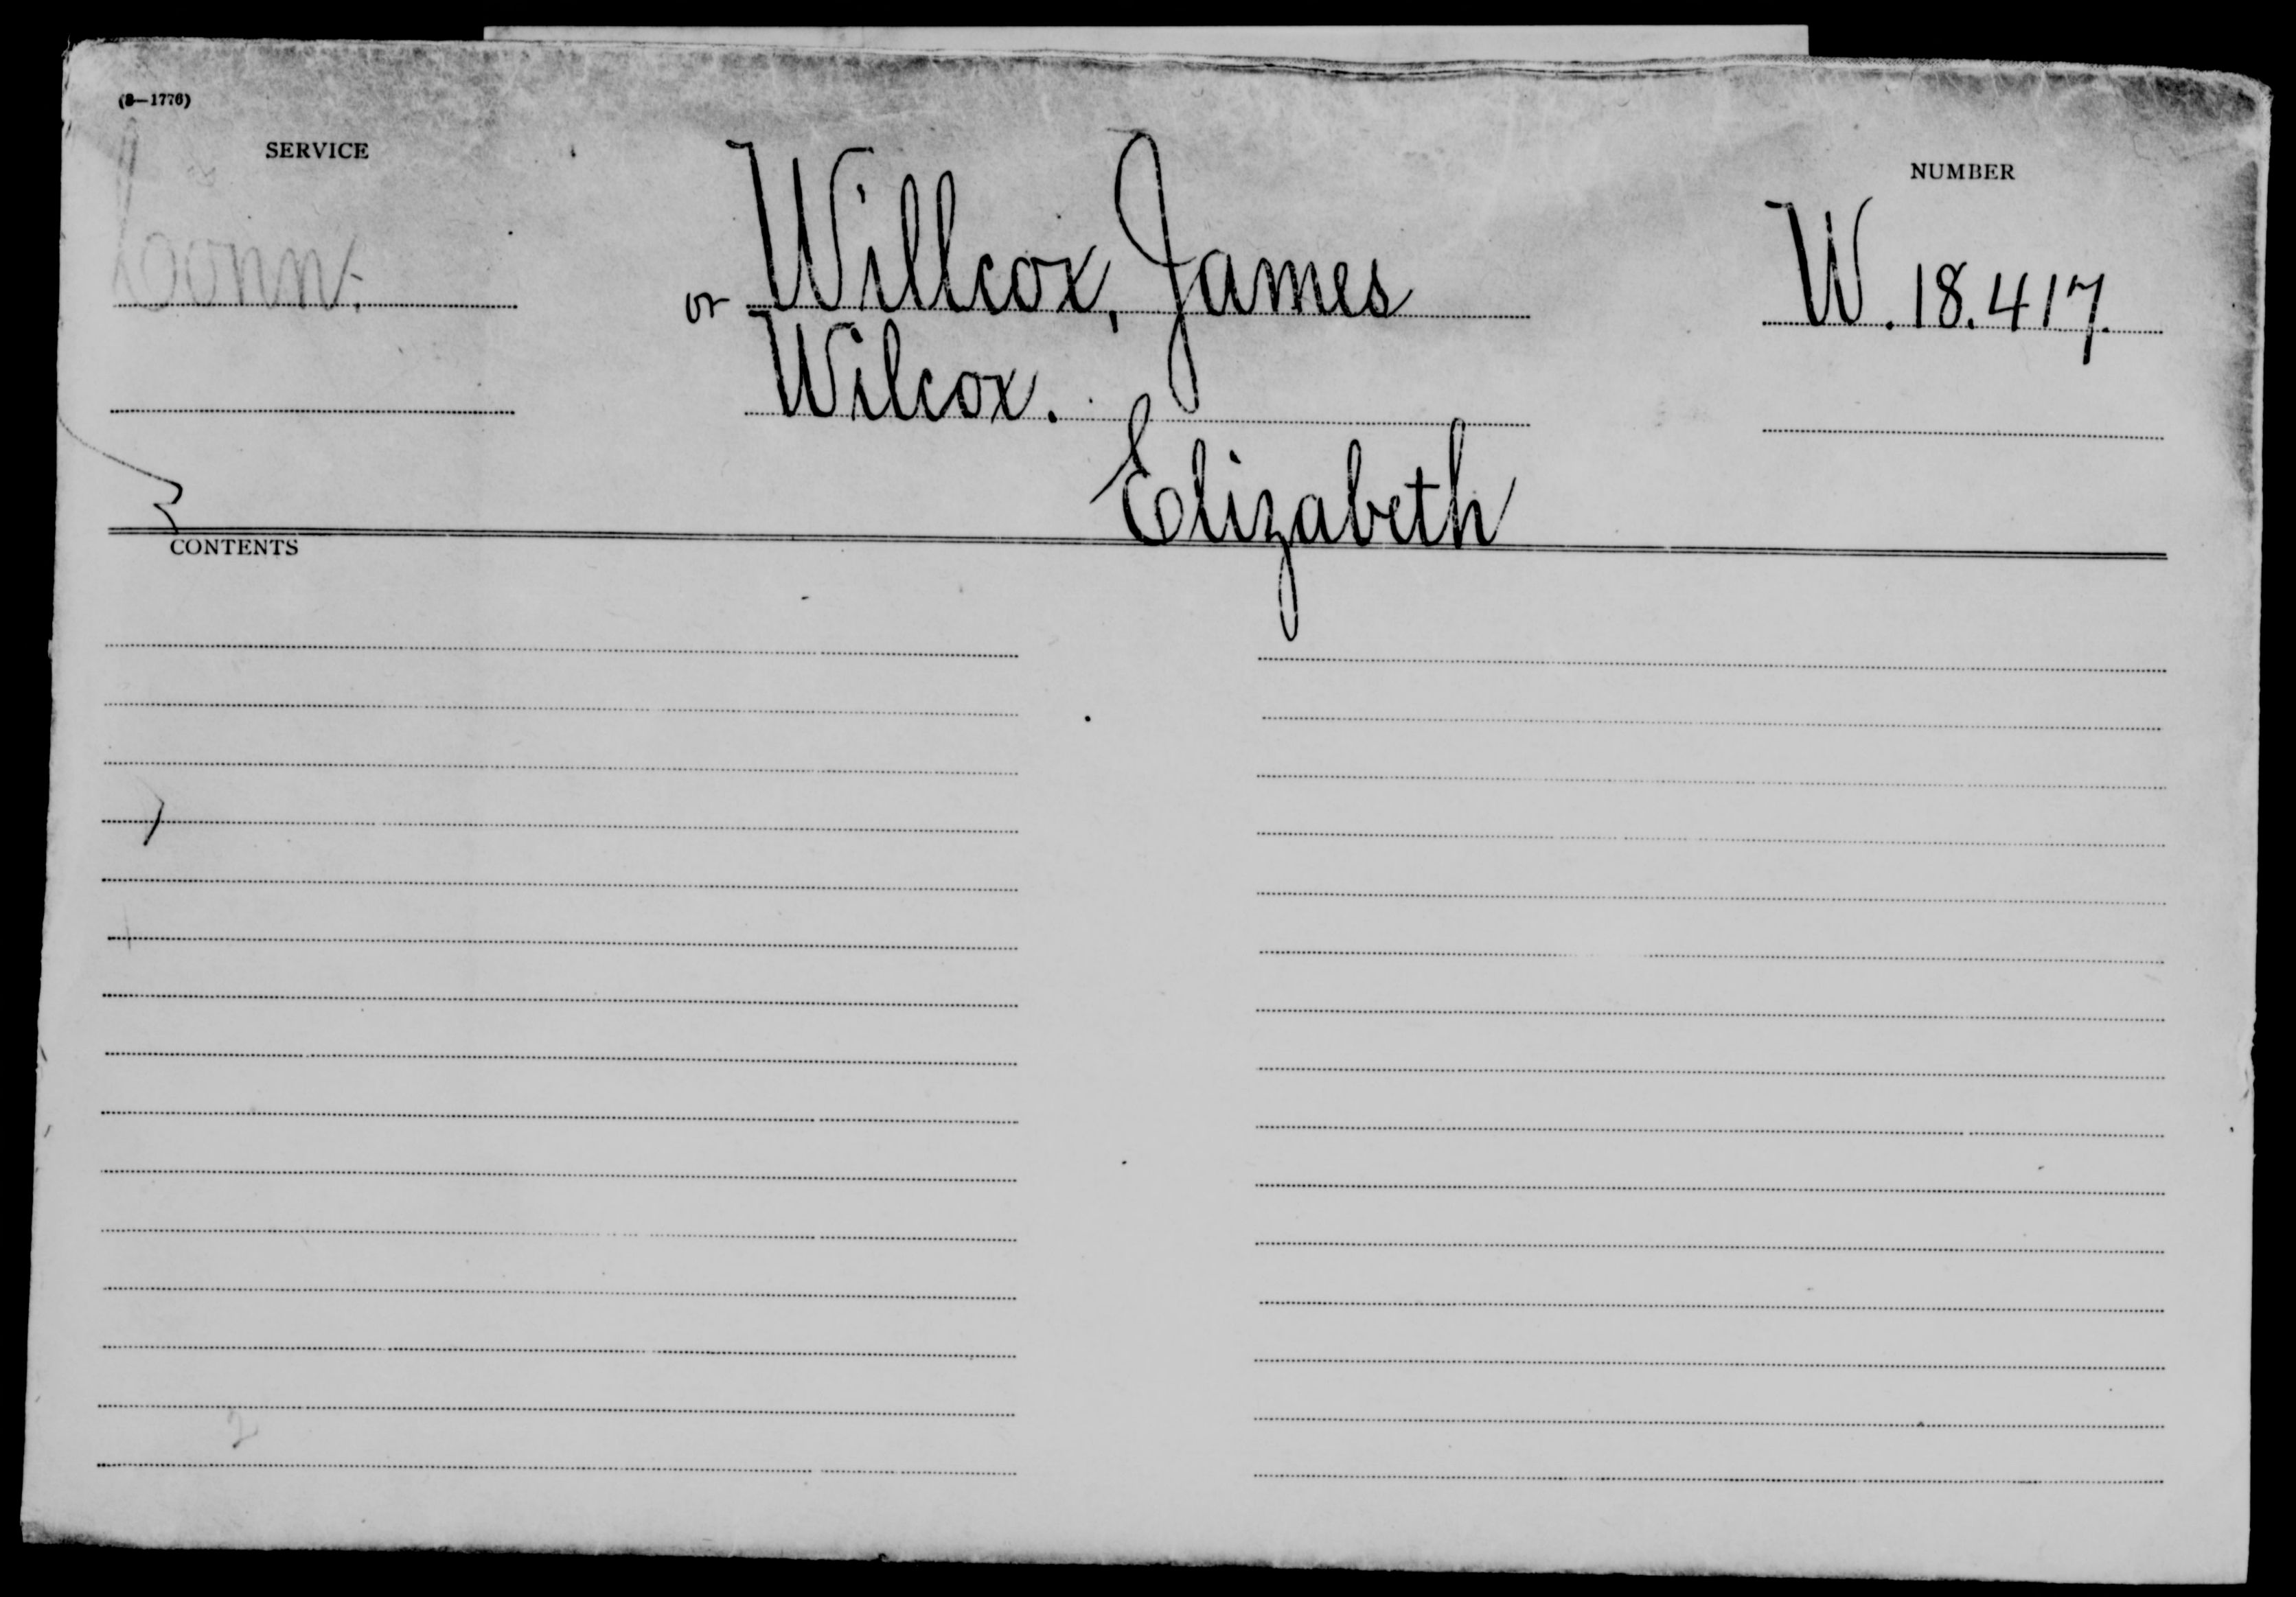(8-1776)
Service 
Conn.
Number
W.18.417
Willcox, James or Wilcox
Elizabeth
Contents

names: James Wilcox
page: 1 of 46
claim: widow's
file: W. 18,417, James Willcox, Conn.